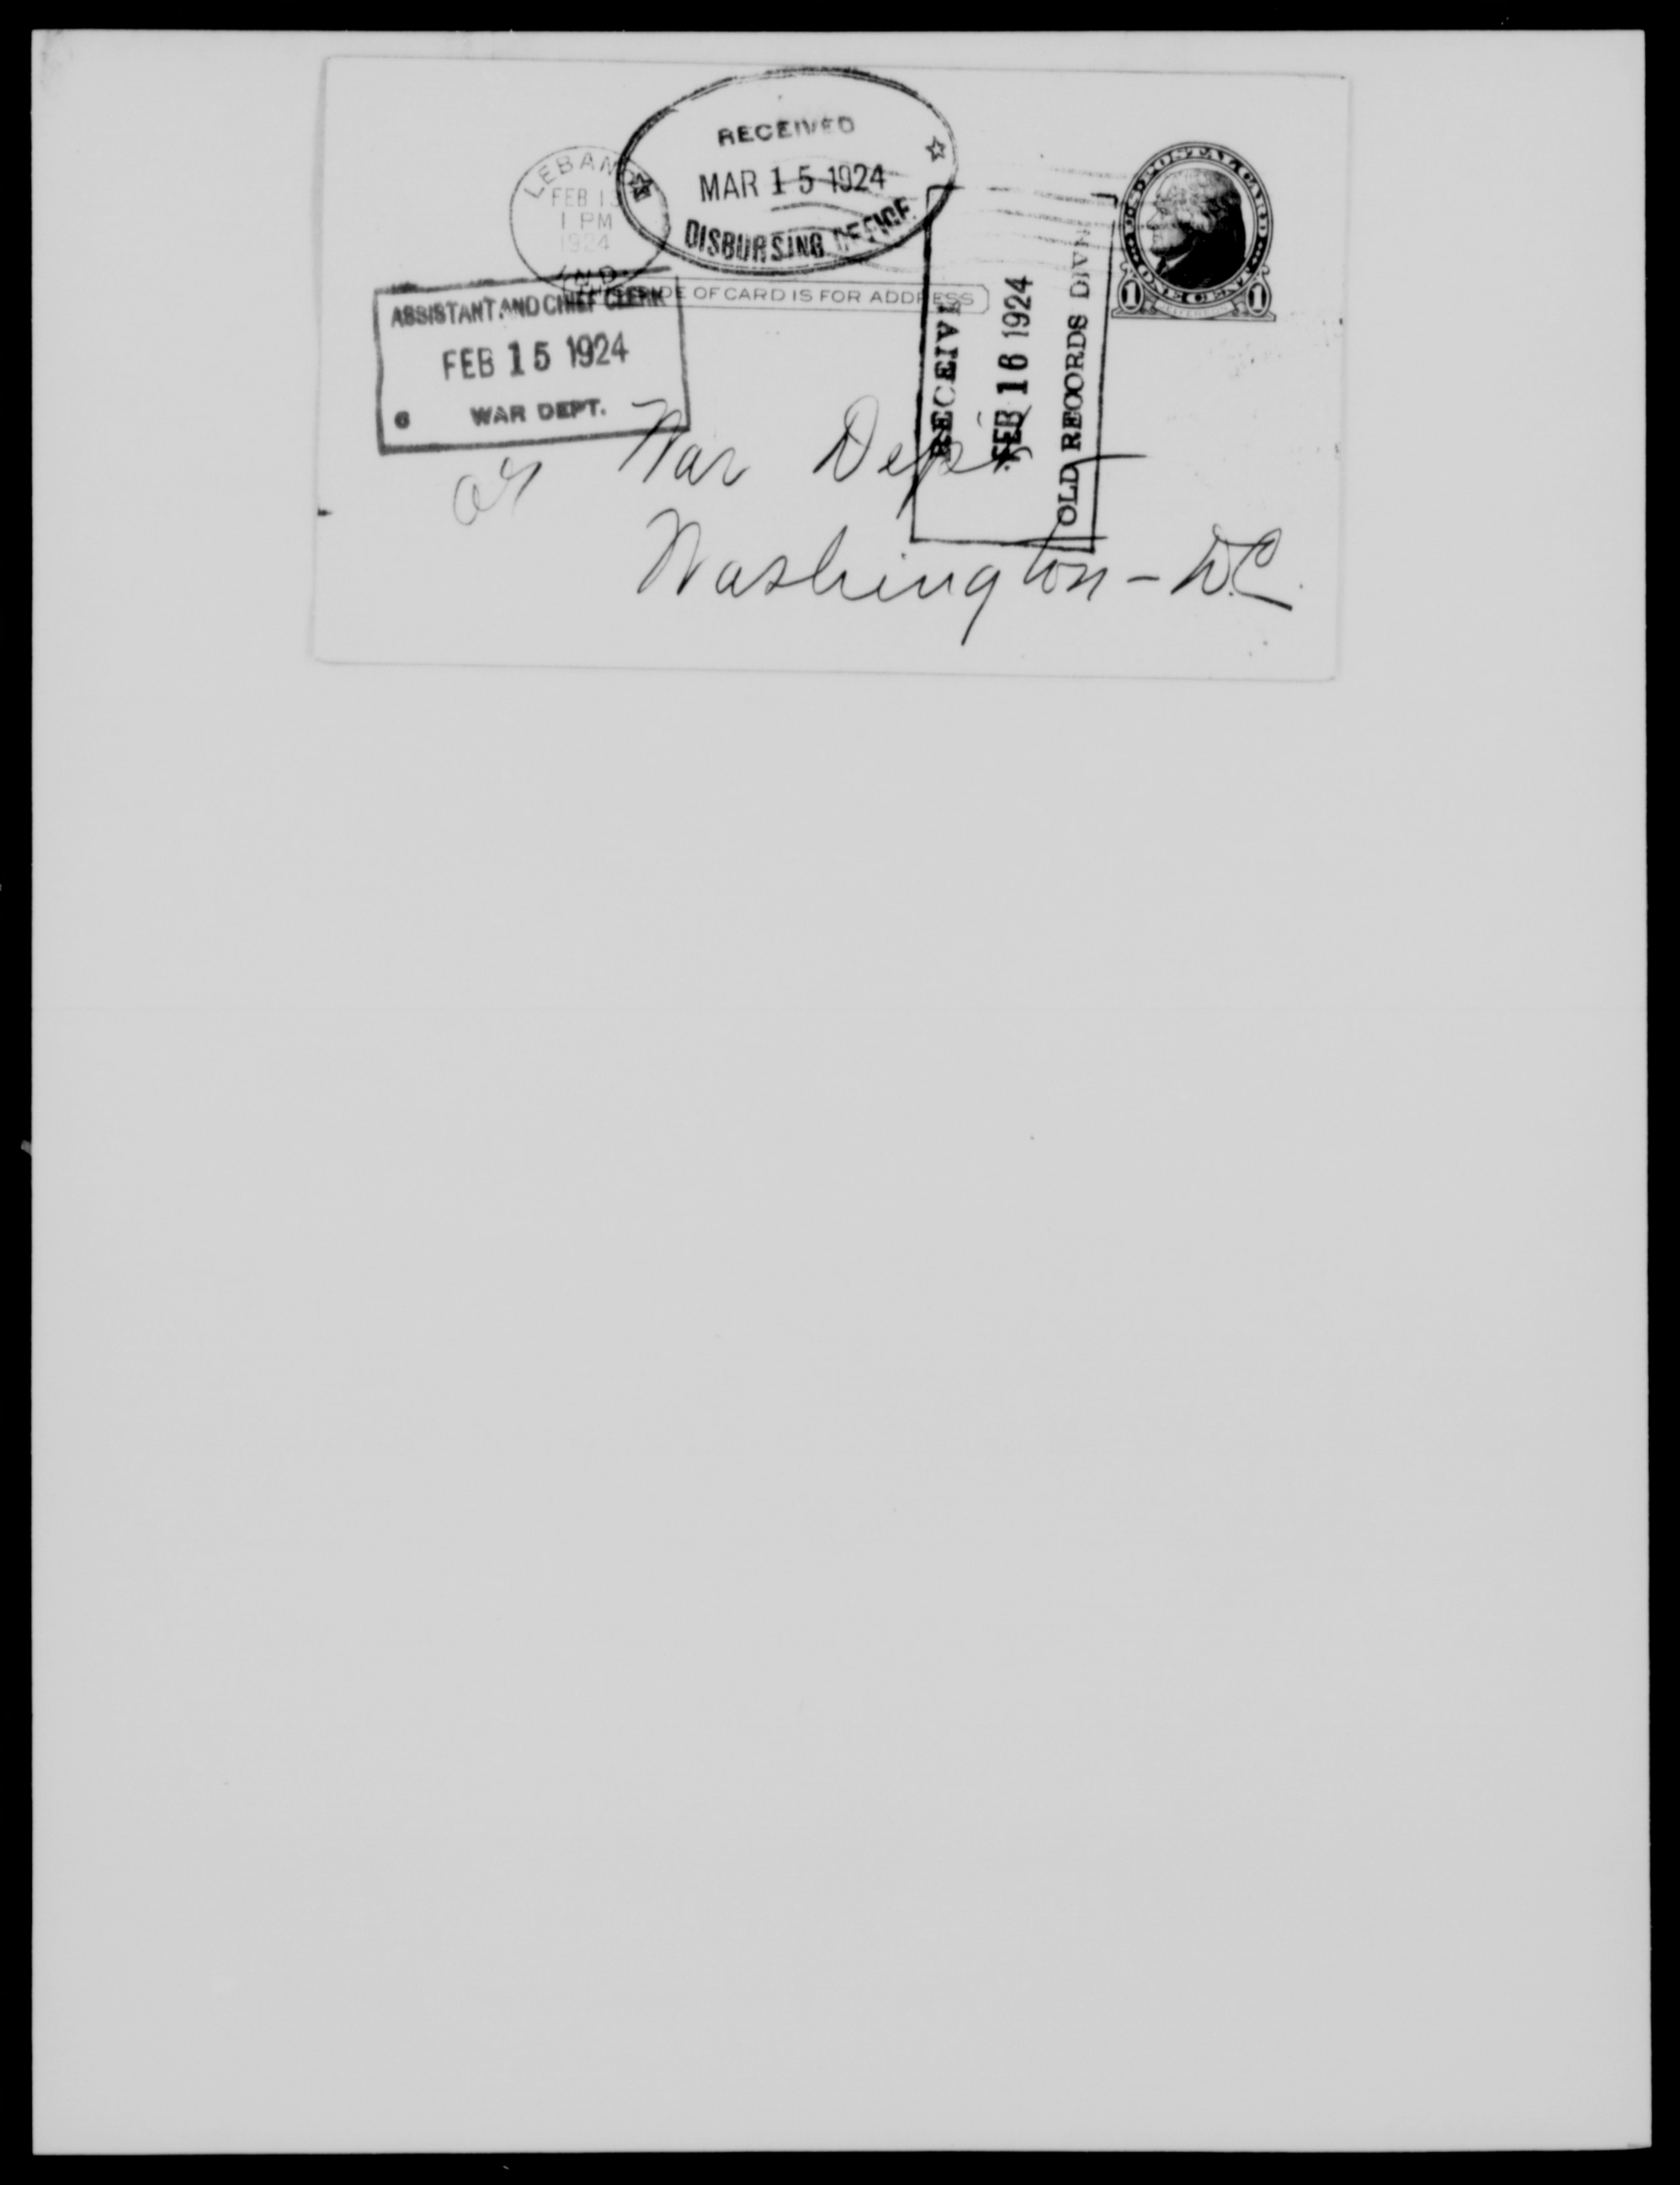[circle stamp]
LEBANON IND
FEB 13 1924

[oval stamp]
RECEIVED
DISBURSING OFFICE
MAR 15 1924

[rectangle stamp-horizontal]
ASSISTANT AND CHIEF CLERK
FEB 15 1924
WAR DEPT.

[rectangle stamp-vertical]
RECEIVED
FEB 16 1924
OLD RECORDS DIVISION

[penny postage stamp]
THIS SIDE OF CARD IS FOR ADDRESS
as

War Dept
Washington DC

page: 60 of 123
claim: rejected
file: R. 11,949, Matthias Young, Md.